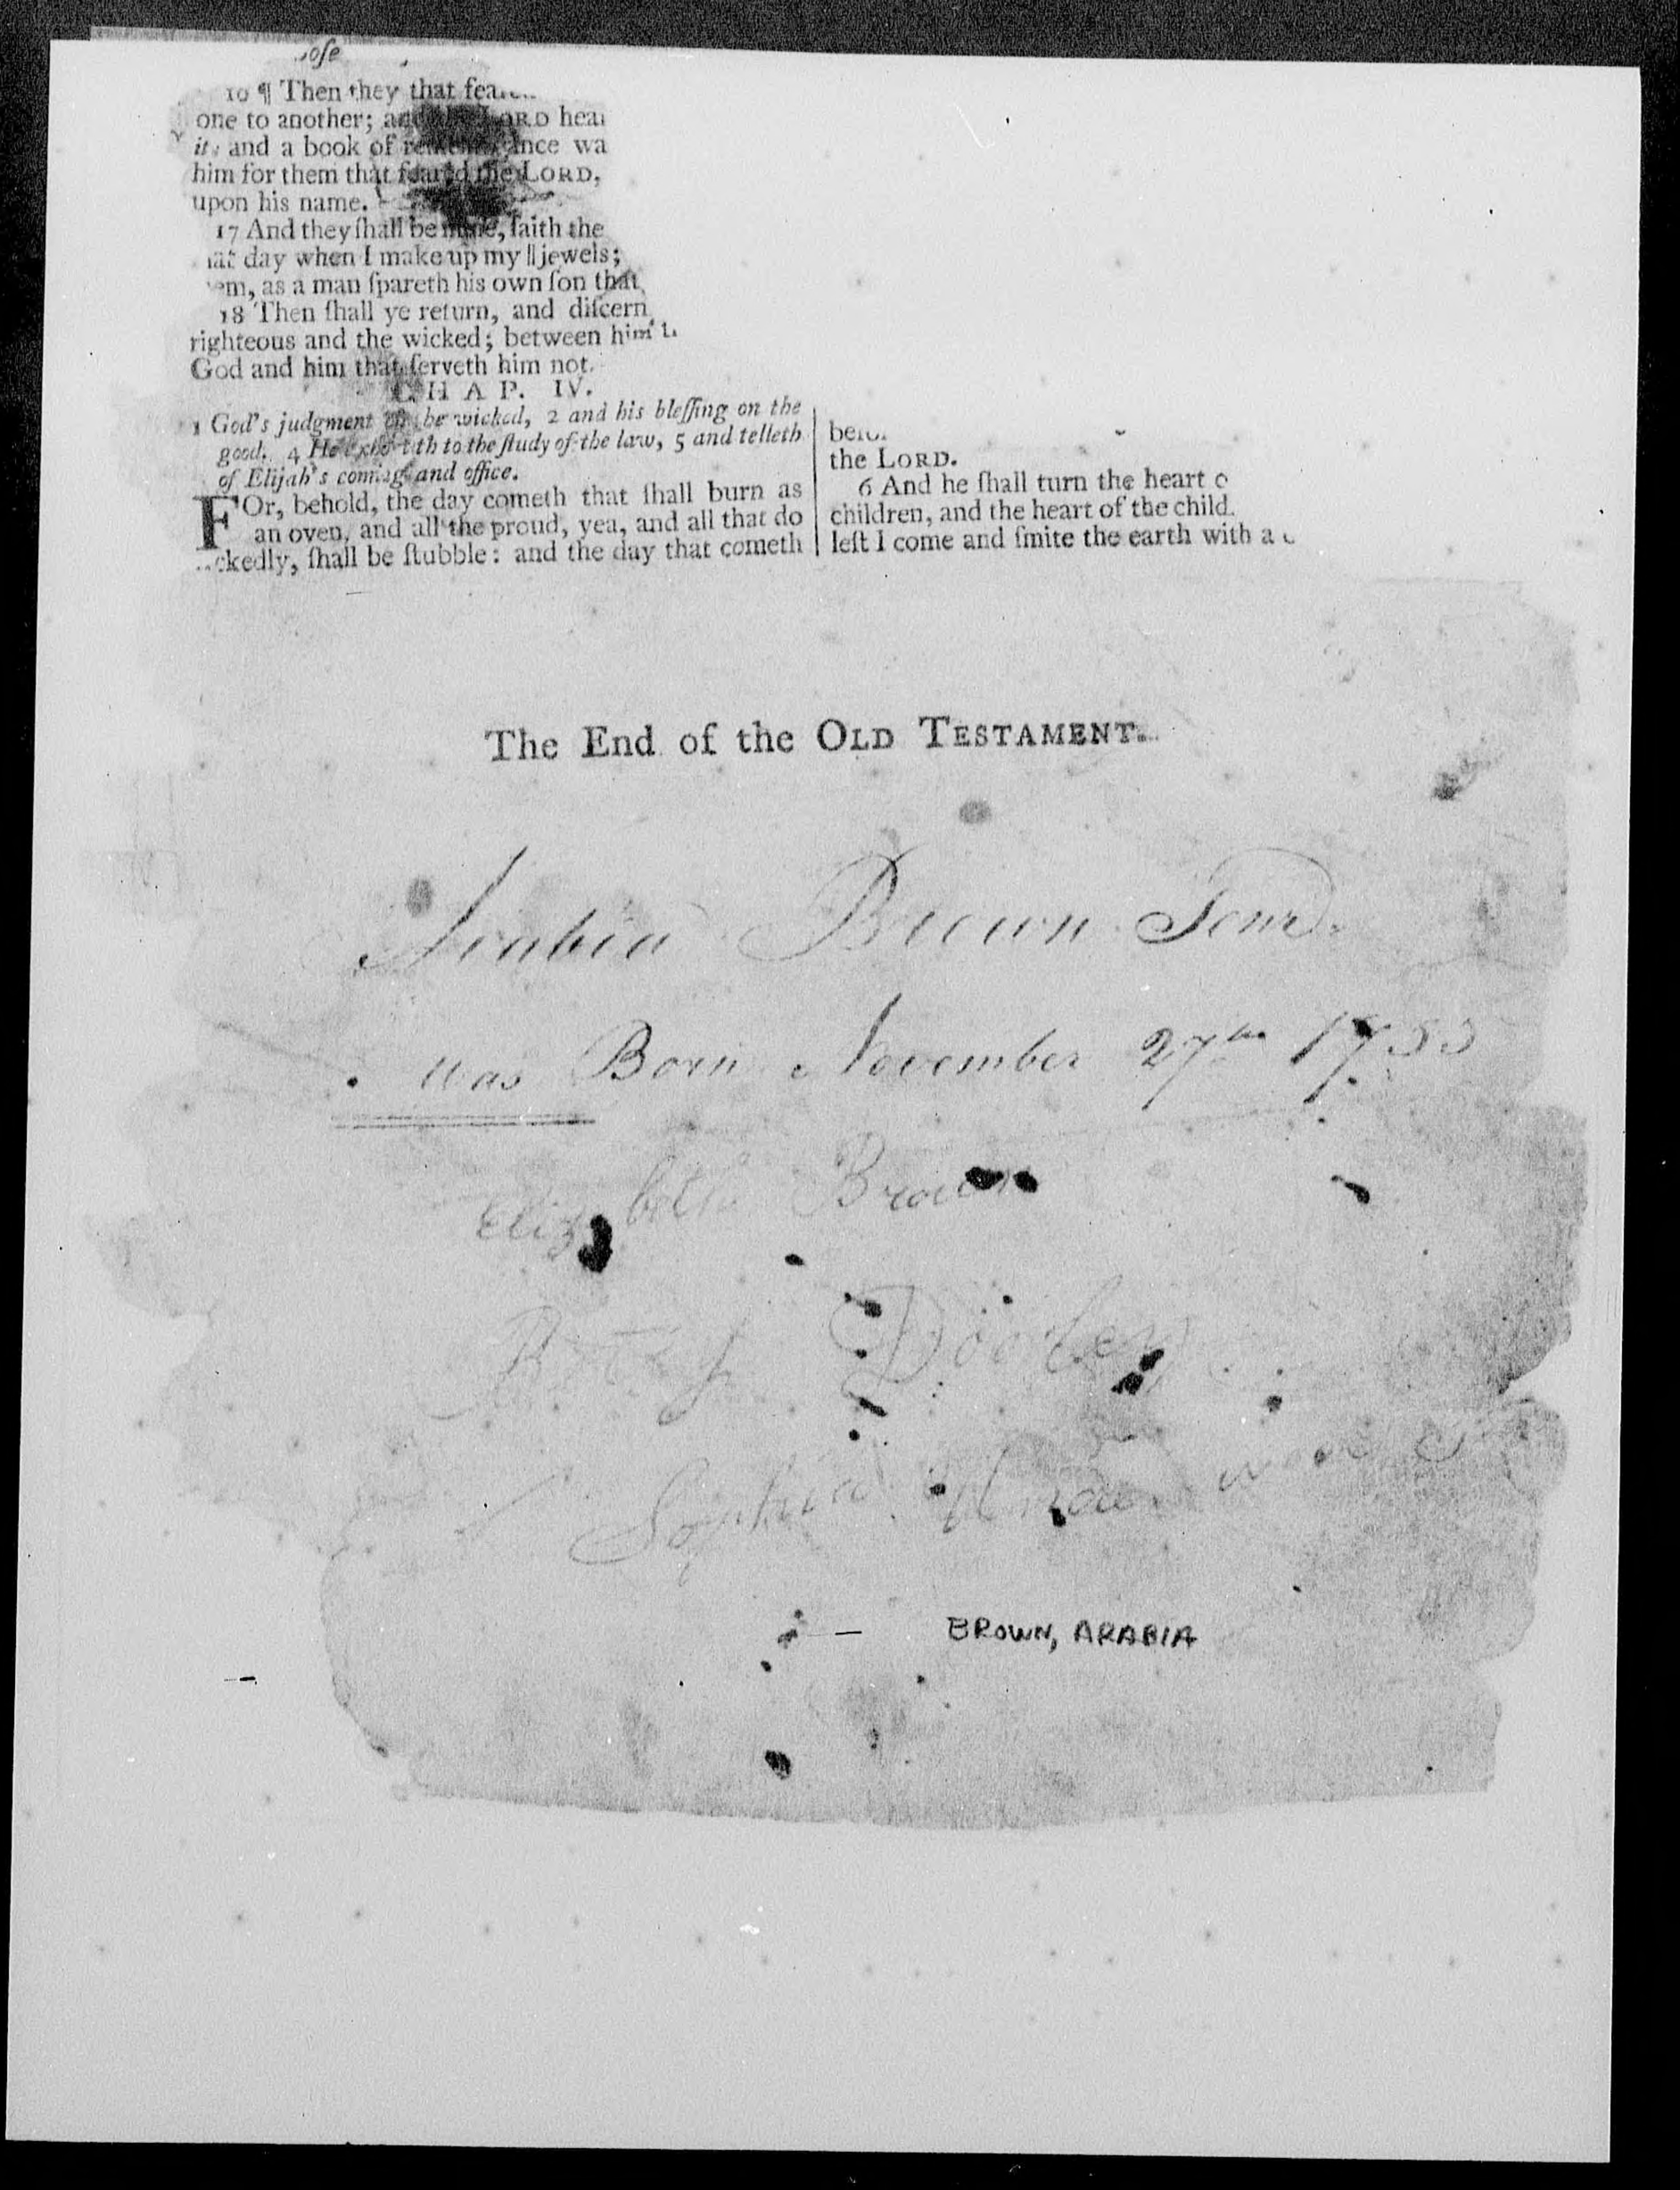Then they that 
one to another; [illegible] Lord hea
it: and a book of rememberance wa
him for them that feared the Lord,
upon his name [illegible] 
17 And they shall be mine, faith the 
that day when I make up my Jewels;
em, as a man spareth his own son that
8. then shall ye return, and discern
righteous and the wicked; between him 
god in him the serveth him not.
CHAP. IV
Gods judegment of the wicked , 2 and 
his blessing on the good. 4 He [illegible] to the 
study of the law, 5 and telleth of Elijahs coming and office.
For, behold, the day cometh that shall burn as an oven, and all the proud, yea, and all that do wickedly, shall be stubble: and the day that cometh -> the Lord
6 And he shall turn the heart
children, and the heart of the child
left I come and smite the earth with a 
The End of the Old Testament
Arabia Brown Senr.
was born November 27th 1755
Elizabeth Brown
Betzy Dooley [illegible] 
Brown, Arabia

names: Sophia Anderson, Arabia Brown, Benj Dooley, Elizabeth Brown, Arabia Brown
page: 16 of 65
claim: widow's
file: W. 8384, Arabia Brown, Va.